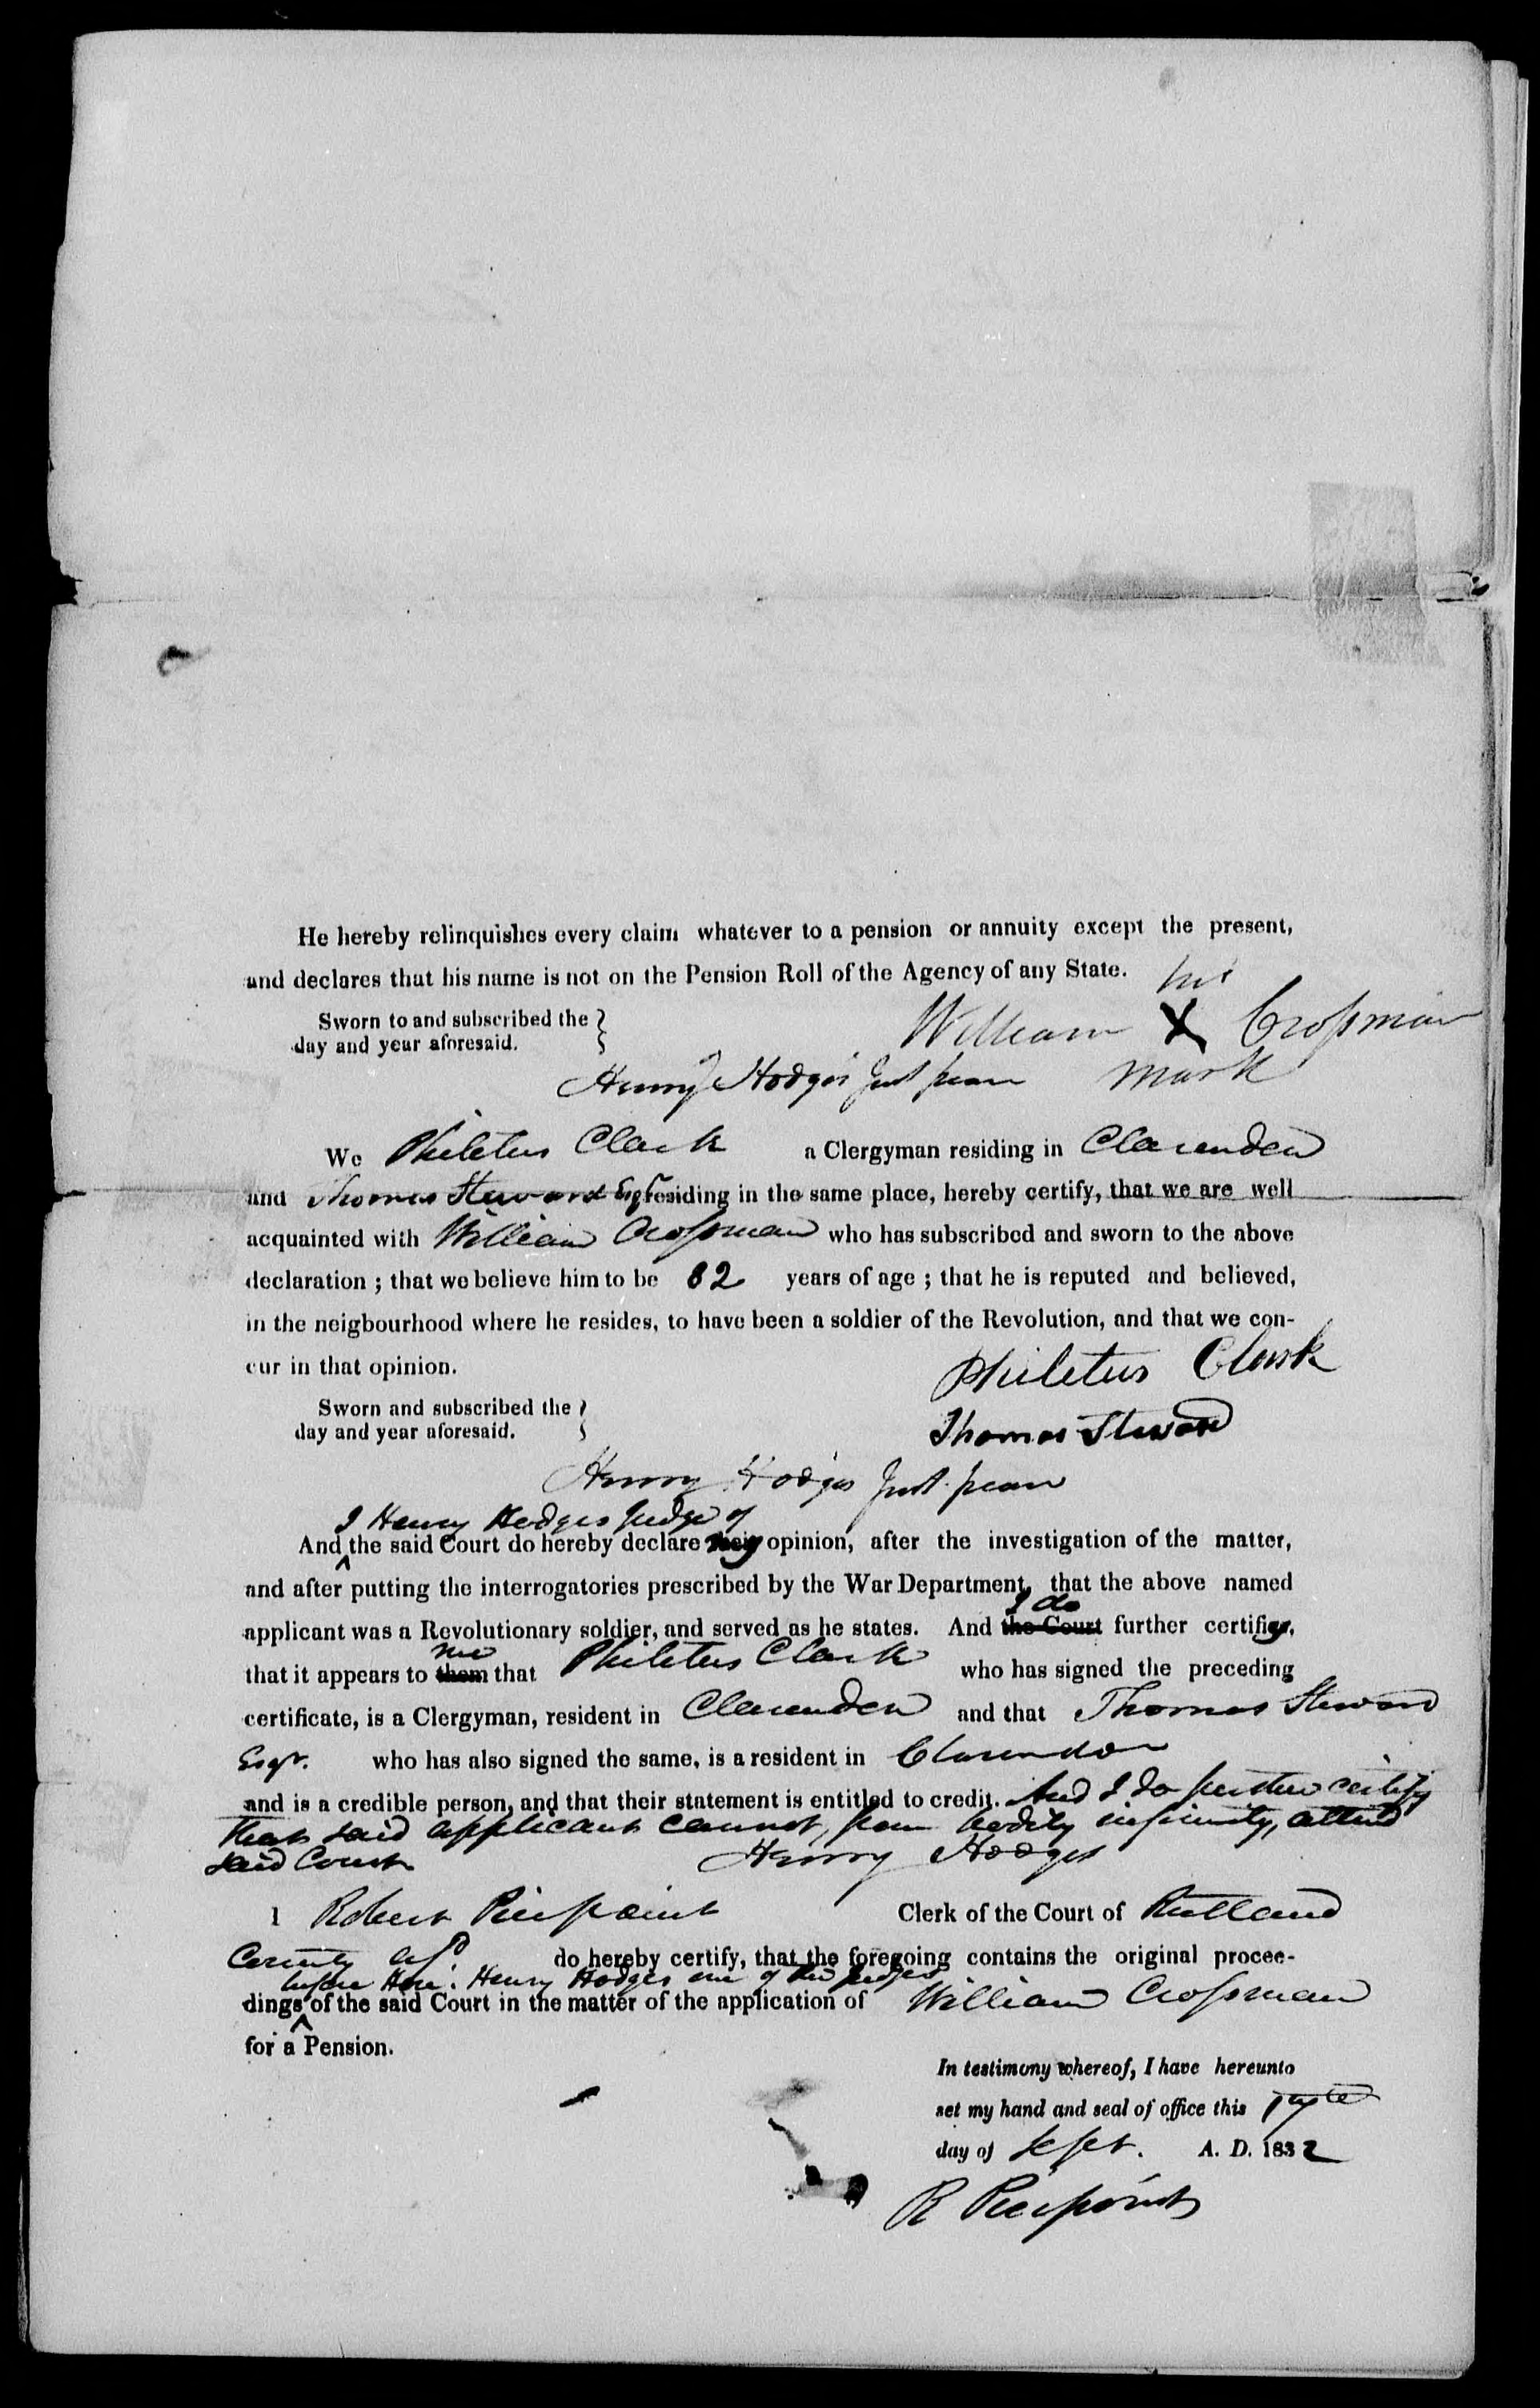He hereby relinquishes every claim whatever to a pension or annuity except the present, and declares that his name is on the Pension Roll of the Agency of any State.
/s/X his mark William Crossman
Sworn to and subscribed the day and year aforesaid.} /s/Henry Hodges Just peace

We Philetus Clark a Clergyman residing in Clarendon and Thomas Howard Esqr residing in the same place, hereby certify, that we are well acquainted with William Crossman who has subscribed and sworn to the above declaration; that we believe him to be 82 years of age; that he is reputed and believed, in the neigbourhood where he resides, to have been a soldier of the Revolution, and that we concur in that opinion.
/s/Philetus Clark
/s/Thomas Howard
Sworn and subscribed the day and year aforesaid.} /s/Henry Hodges Just. peace

And i Henry Hodges Judge of the said Court do hereby declare my opinion, after the investigation of the matter, and after putting the interrogatories prescribed by the War Department, that the above named applicant was a Revolutionary soldier, and served as he states. And ['the Court' crossed out] I do further certify, that it appears to ['them' crossed out] me that Philetus Clark who has signed the preceding certificate, is a Clergyman, resident in Clarendon and that Thomas Howard Esqr. who has also signed the same, is a resident in Clarendon and is a credible person, and that their statement is entitled to credit. And I do further certify that said applicant cannot, from bodily infirmity, attend said Cout.
I Robert Pierpoint Clerk of the Court of Rutland County afs'd do hereby certify, that the foregoing contains the original proceedings before Hon: Henry Hodges one of the Judges of the said Court in the matter of the application of William Crossman for a Pension. 
[court seal affixed] In testimony whereof, I have hereunto set my hand and seal of office this 17th day of Sept. A. D. 1832
/s/r Pierpoint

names: Thomas Steward, Philetus Clark, Henry Hodges, Thomas Steward, Henry Hodges, William Crossman, William Crossman, William Crossman, Robert Pierpoint, Philetus Clark, Henry Hodges, Henry Hodges, R Pierpoint, Philetus Clark, Henry Hodges, Thomas Steward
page: 6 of 33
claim: survivor's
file: S. 12632, William Crossman, Mass. Vt.